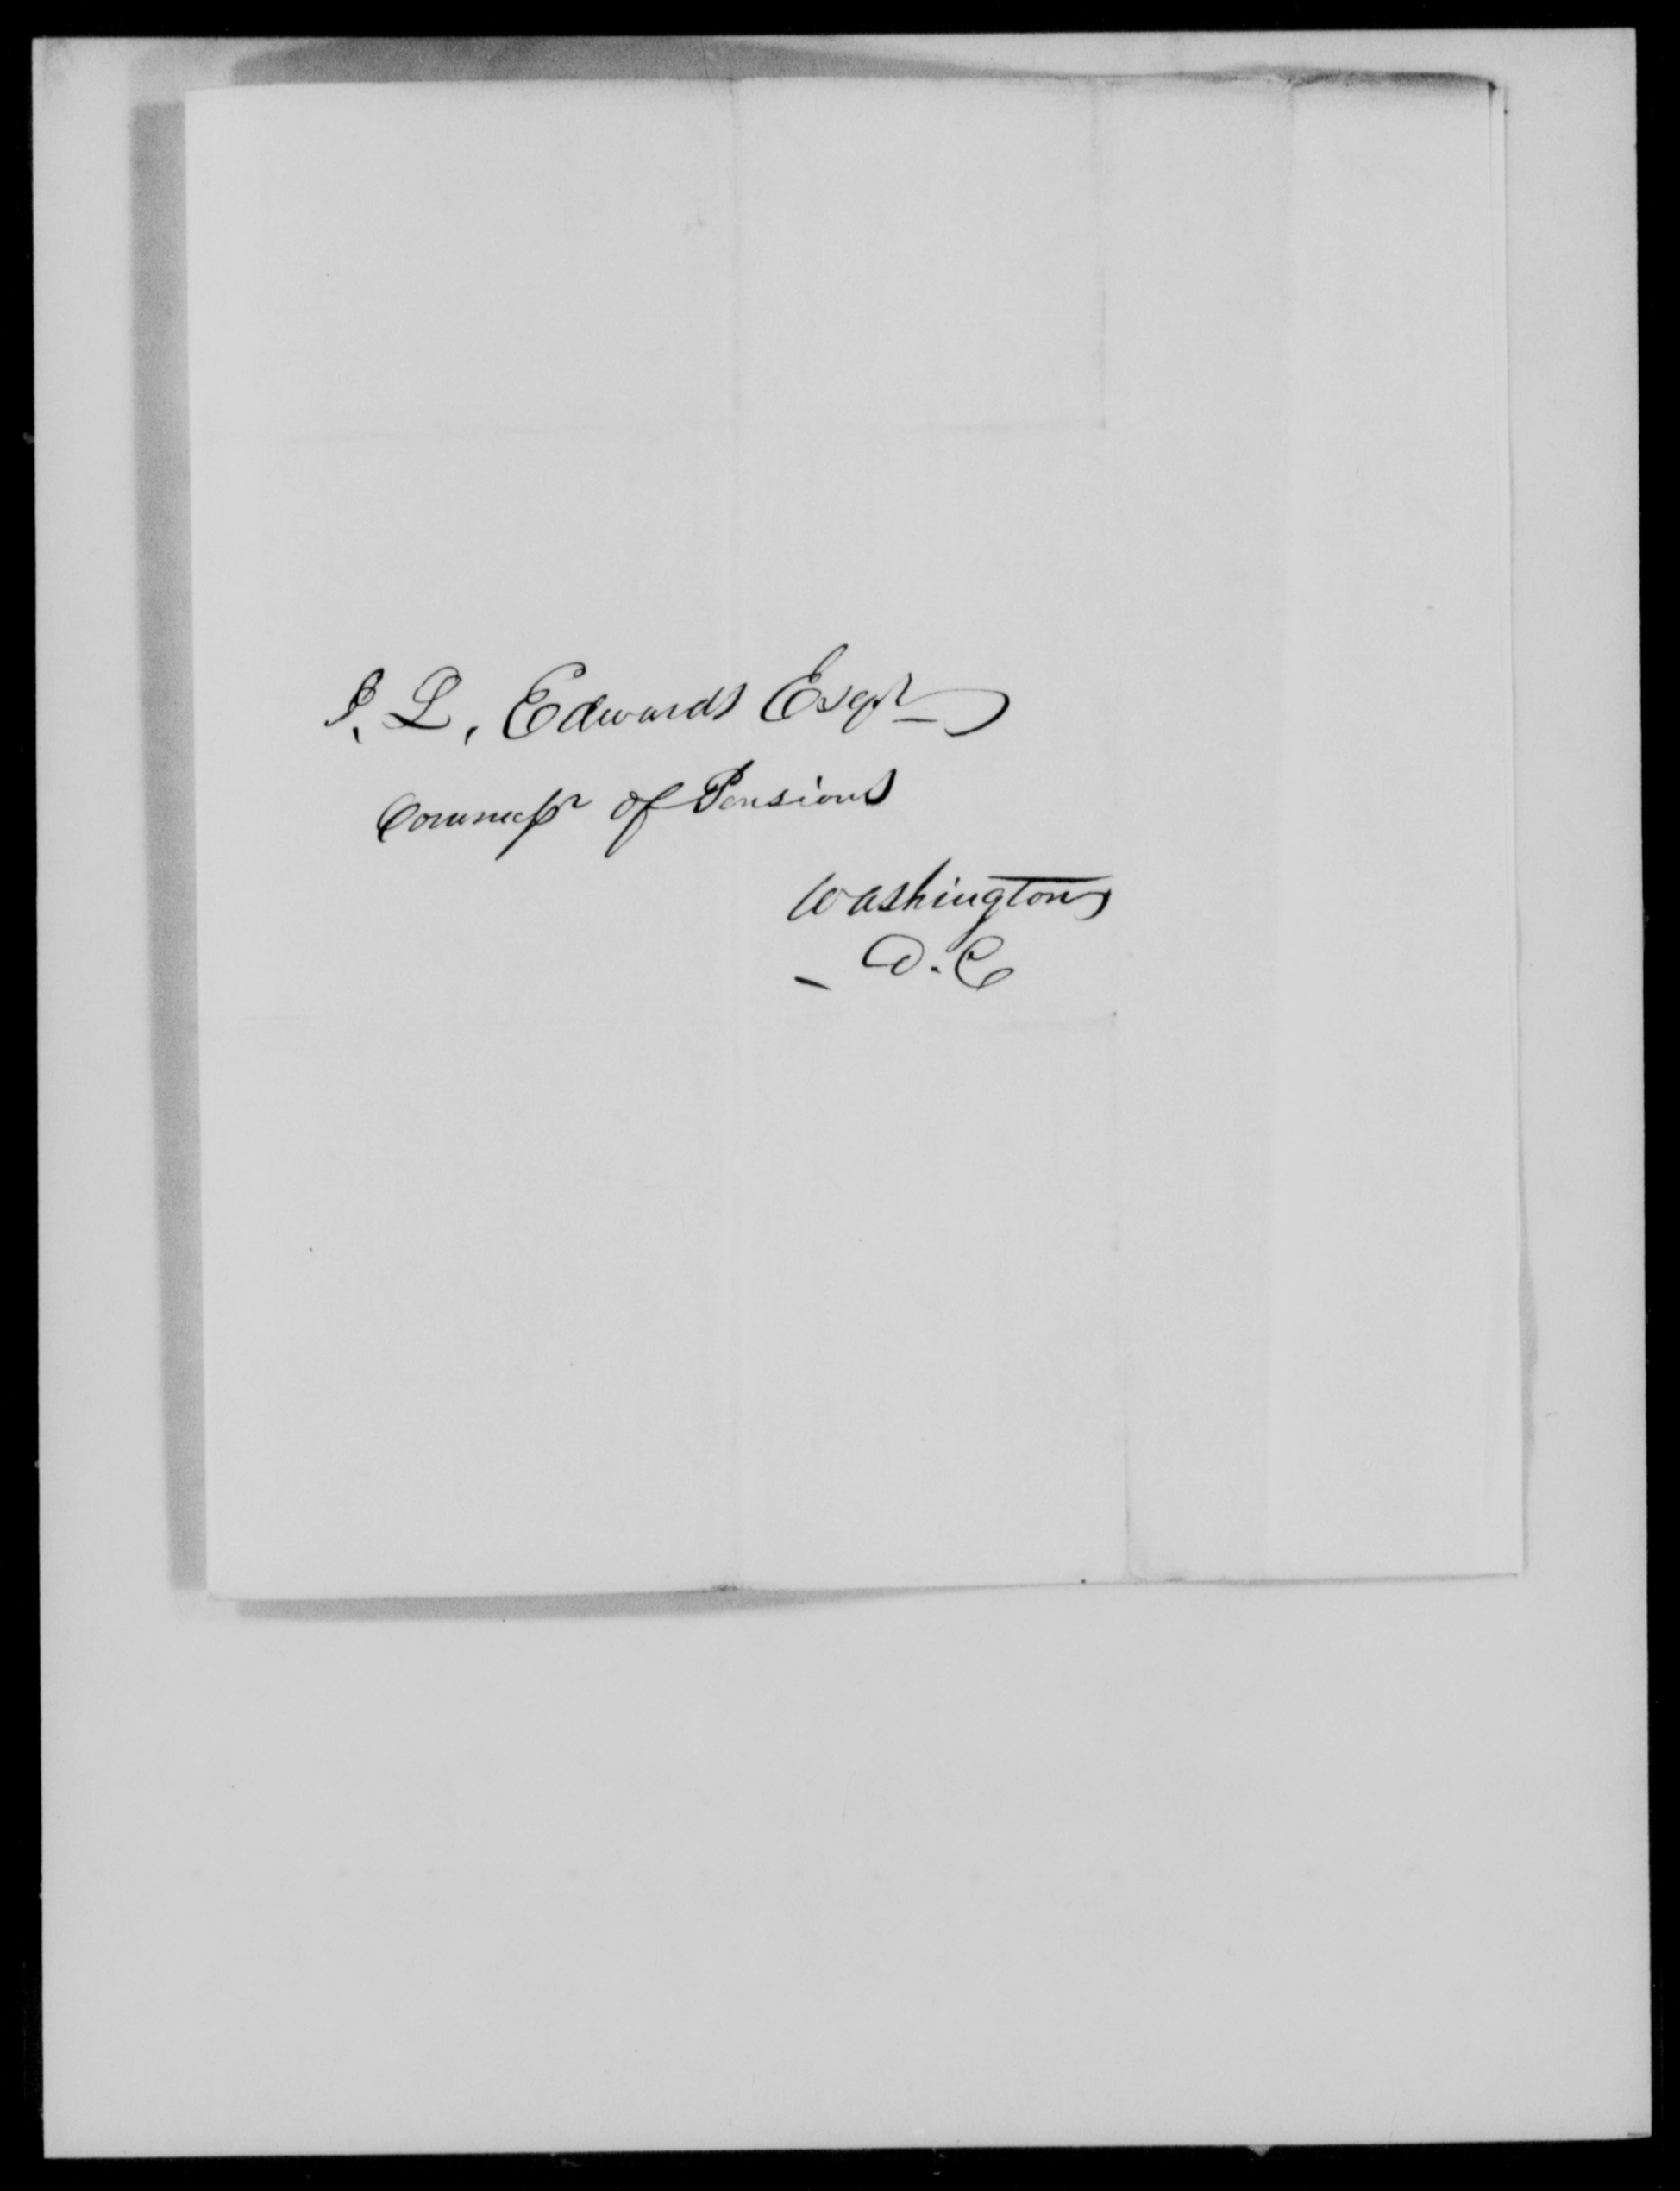J.L. Edwards
Commissr of Pensions
Washington D.C.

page: 21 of 101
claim: widow's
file: W. 25481, for Peter V Tilyou, New Jersey